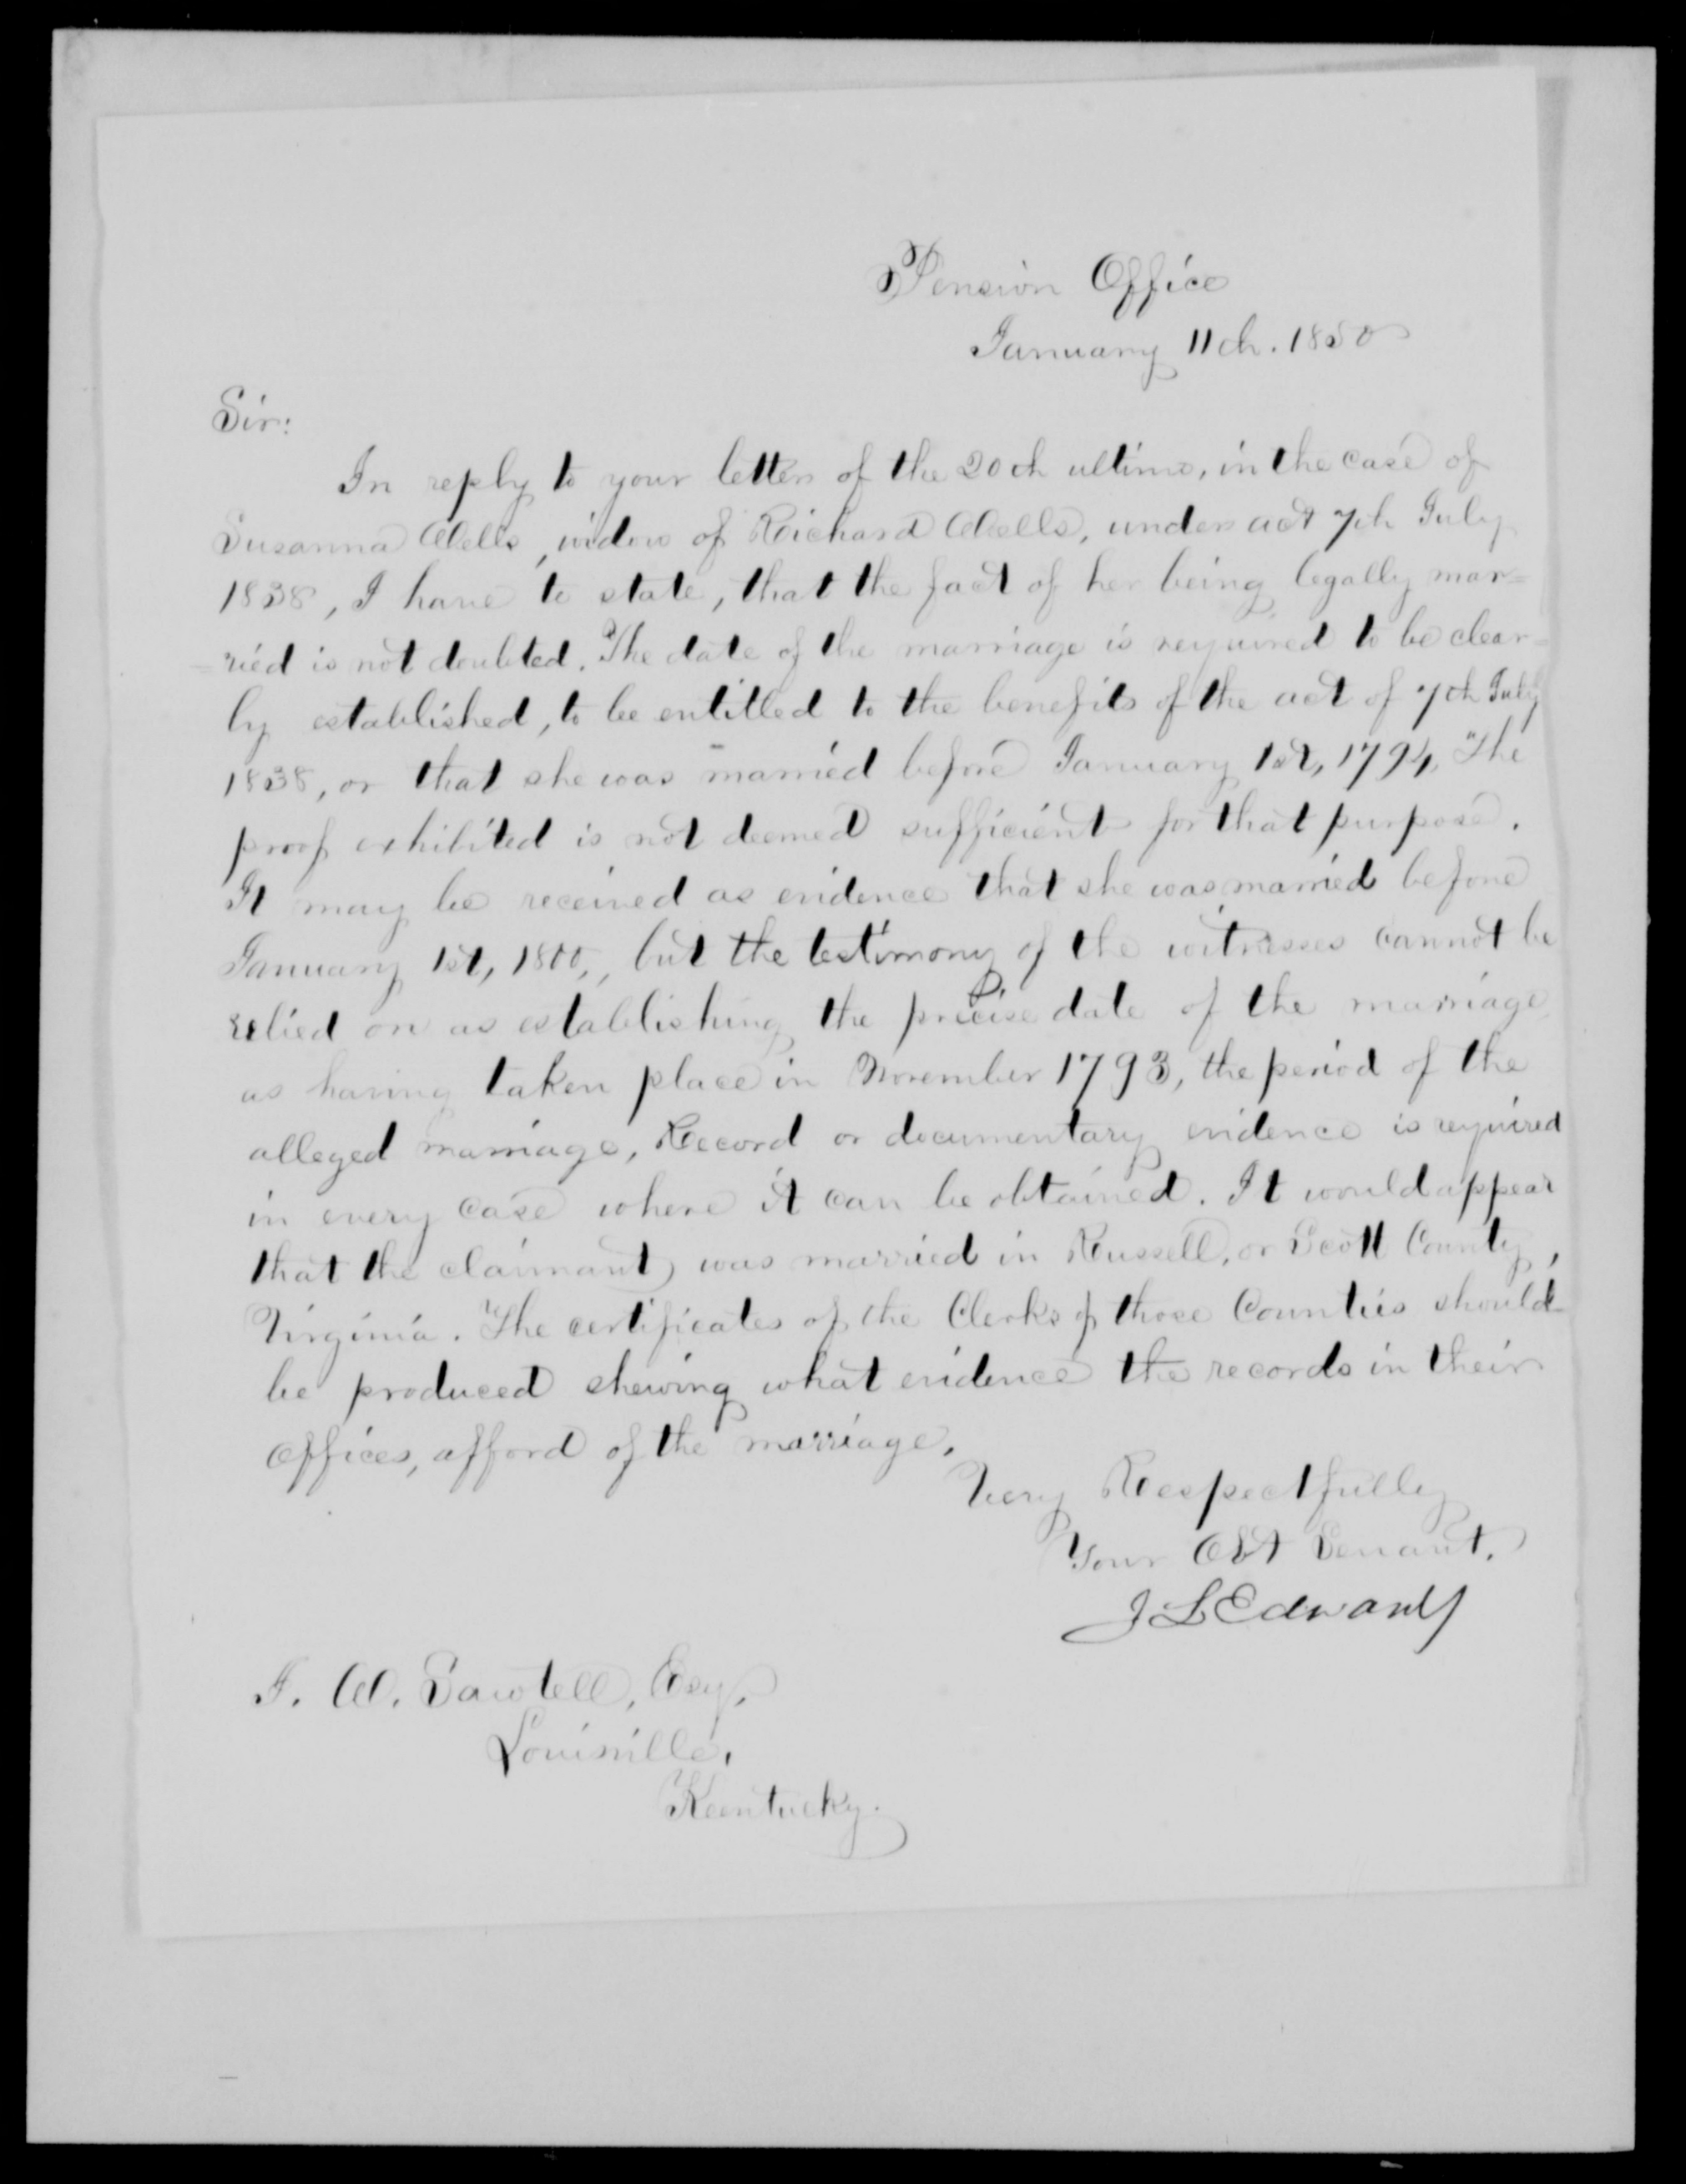Pension Office
January 11th 1850
Sir
In reply to your letter of the 20th ultimo, in the case of
Susanna Wells, widow of Richard Wells, under act 7th July
1838, I have to state, that the fact of her being legally married
 is not doubted. The date of the marriage is required to be clearly
 established, to be entitled to the benefits of the act of 7th July
1838, or that she was married before January 1st, 1794. The
proof exhibited is not deemed sufficient for that purpose.
It may be received as evidence that she was married before
January 1st, 1800, but the testimony of the witnesses cannot be
relied on as establishing the precise date of the marriage
as having taken place in November 1793, the period of the
alleged marriage. Record or documentary evidence is required
in every case where it can be obtained. It would appear
that the claimant, was married in Russell, or Scott County
Virginia. The certificate of the Clerks of those Counties should
be produced shewing what evidence the records in their
Offices, afford of the marriage,
Very Respectfully
Your Obt Servant,
J L Edwards

J.W. Sawtelle, Esqr
Louisville
Kentucky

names: Richard Wells, Susanna Wells, J W Sawtelle, J L Edwards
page: 59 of 100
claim: widow's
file: W. 6437, Richard Wells, Ga Va.